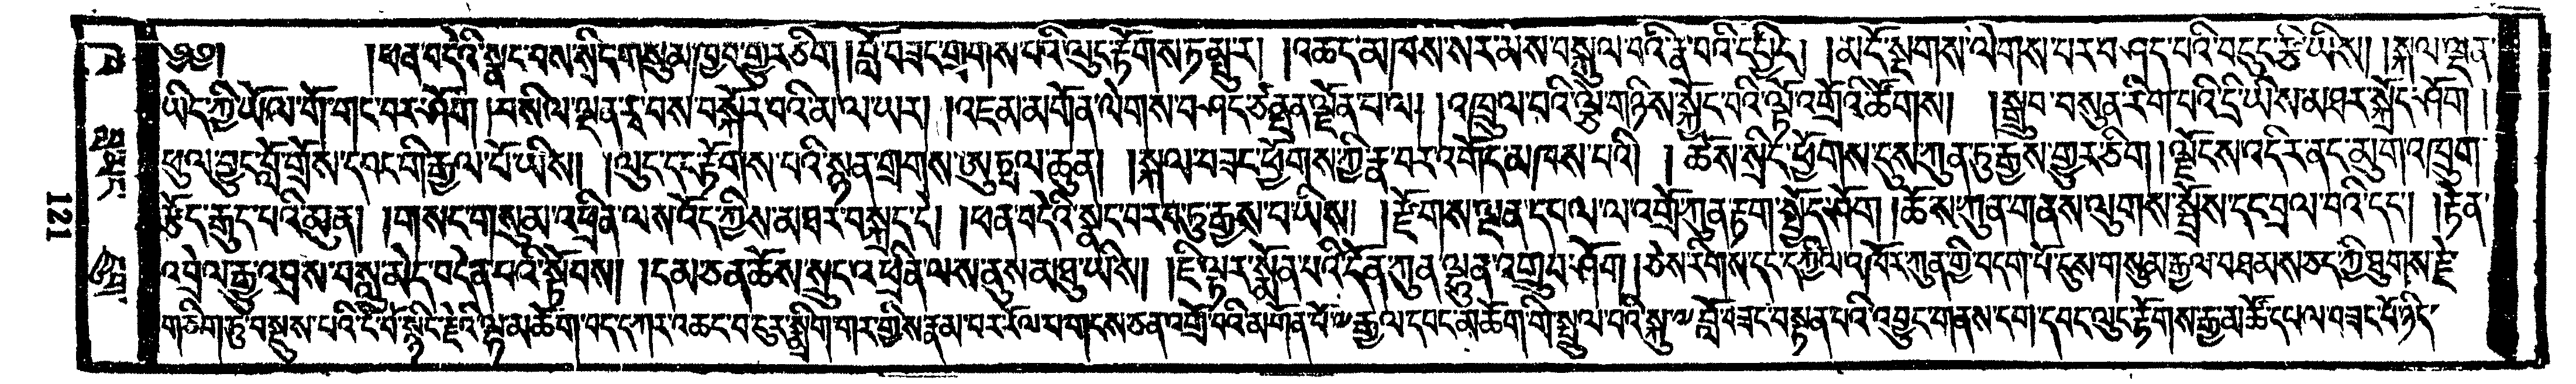༄༅། །པན་བདེའི་སྣང་བས་སྲིད་གསུམ་ཁྱབ་གྱུར་ཅིག །བློ་བཟང་གྲགས་པའི་ལུང་རྟོགས་ཏམྤུ་ར། །འཆད་མཁས་སར་མས་བསྐུལ་བའི་རྣ་བའི་དཔྱིད། །མདོ་སྔགས་ལེགས་པར་བཤད་པའི་བདུང་རྩི་ཡིས། །སྐལ་ལྡན་
ཡིད་ཀྱི་ཡོལ་གོ་གང་བར་ཤོག །བསིལ་ལྡན་རྭ་བས་བསྐོར་བའི་མ་ལ་ཡར། །འཇམ་མགོན་ལེགས་བཤད་ཙནྡན་ལྗོན་པ་ལ། །འཁྲུལ་པའི་ལྕེ་གཉིས་སྐྱོང་བའི་ལྟོ་འགྲོའི་ཚོགས། །སྒྲུབ་བསུན་རིག་པའི་དྲི་ཡིས་མཐར་སྐྲོད་ཤོག་
ཕུལ་བྱུང་བློ་གྲོས་དབང་གི་རྒྱལ་པོ་ཡིས། །ལུང་དང་རྟོགས་པའི་སྙན་གྲགས་ཨུཏྤལ་ཆུན། །སྐལ་བཟང་ཕྱོགས་ཀྱི་རྣ་བར་འགོད་མཁས་པའི། །ཆོས་སྲིད་ཕྱོགས་དུས་ཀུན་ཏུ་རྒྱས་གྱུར་ཅིག །ལྗོངས་འདིར་ནང་མུག་འཁྲུག་
རྩོད་རྒུད་པའི་མུན། །གསང་གསུམ་འཕྲིན་ལས་འོད་ཀྱིས་མཐར་བསྐྲད་དེ། །ཕན་བདེའི་སྣང་བ་རབ་ཏུ་རྒྱས་པ་ཡིས། །རྫོགས་ལྡན་དཔལ་ལ་འགྲོ་ཀུན་རྟག་སྤྱོད་ཤོག །ཆོས་ཀུན་གནས་ལུགས་སྦྲོས་དང་བྲལ་བའི་དང་། །རྟེན་
འབྲེལ་རྒྱུ་འབྲས་བསླུ་མེད་བདེན་པའི་སྟོབས། །དམ་ཅན་ཆོས་སྲུང་འཕྲིན་ལས་ནུས་མཐུ་ཡིས། །ཇི་ལྟར་སྨོན་པའི་དོན་ཀུན་ལྷུན་འགྲུབ་ཤོག །ཅེས་རིགས་དང་དཀྱིལ་འཁོར་ཀུན་གྱི་བདག་པོ་དུས་གསུམ་རྒྱལ་བ་ཐམས་ཅད་ཀྱི་ཐུགས་རྗེ་
གཅིག་ཏུ་བསྡུས་པའི་ངོ་བོ་སྙིང་རྗེའི་ལྷ་མཆོག་བད་དཀར་འཆང་བ་དུར་སྨྲིག་གར་གྱིས་རྣམ་པར་རོལ་པ་གངས་ཅན་འགྲོ་བའི་མགོན་པོ་༧་རྒྱལ་དབང་མཆོག་གི་སྤྲུལ་བའི་སྐུ་༧་བློ་བཟང་བསྟན་པའི་འབྱུང་གནས་ངག་དབང་ལུང་རྟོགས་རྒྱ་མཚོ་དཔལ་བཟང་པོ་ཉིད་